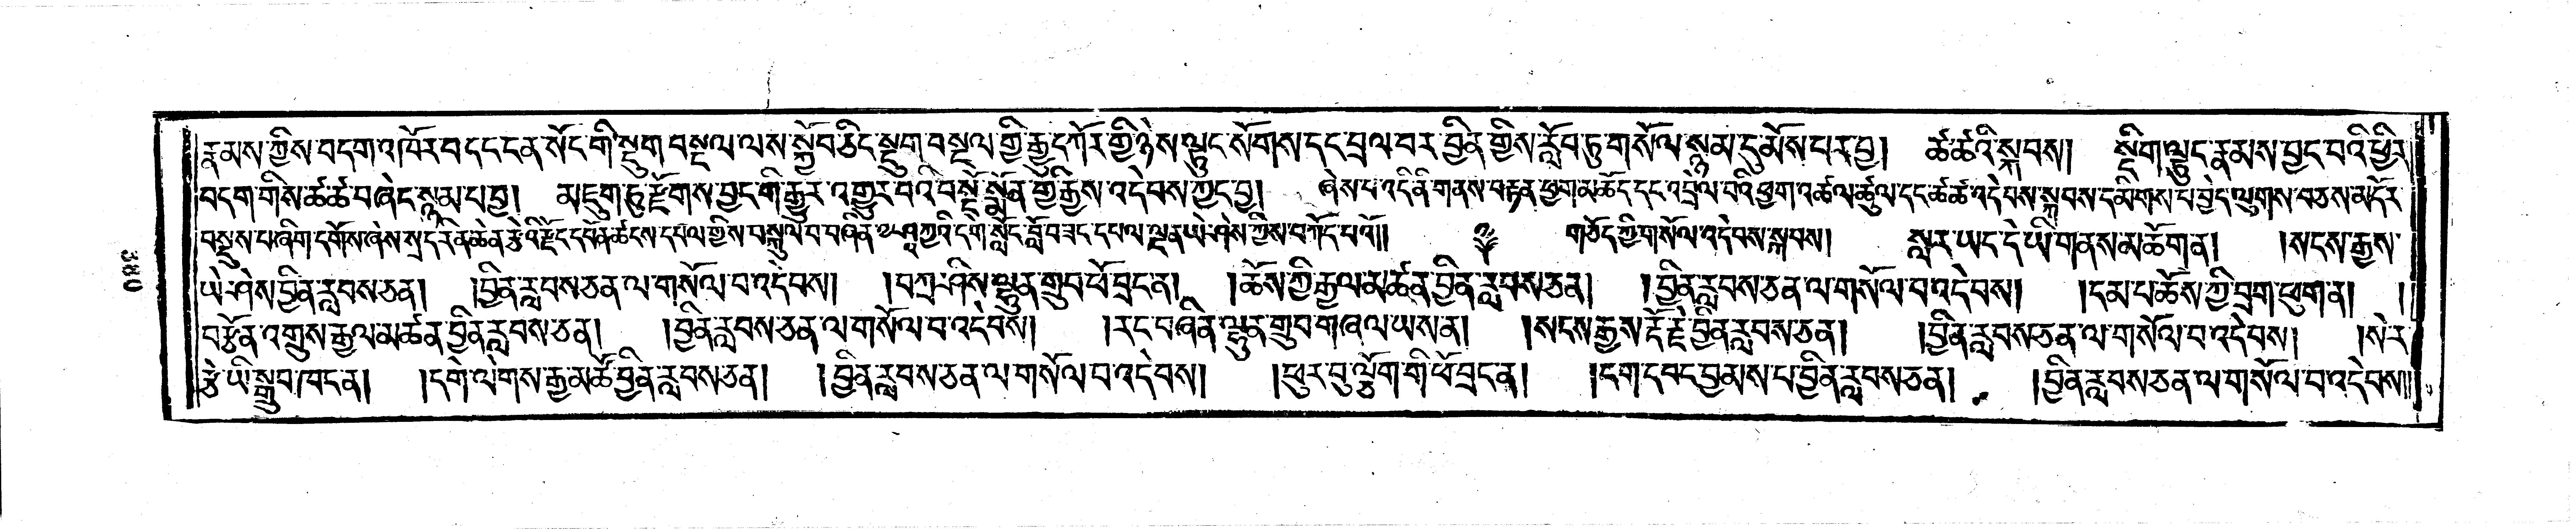རྣམས་ཀྱིས་བདག་འཁོར་བ་དང་ངན་སོང་གི་སྡུག་བསྔལ་ལས་སྐྱོབ་ཅིང་སྡུག་བསྔལ་གྱི་རྒྱུ་དཀོར་གྱི་ཉེས་ལྟུང་སོགས་དང་བྲལ་བར་བྱིན་གྱིས་རློབ་ཏུ་གསོལ་སྙམ་དུ་མོས་པར་བྱ། ཚ་ཚའི་སྐབས། སྡིག་ལྟུང་རྣམས་བྱང་བའི་ཕྱིར་
བདག་གིས་ཚ་ཚ་བཞེང་སྙམ་པ་བྱ། མཇུག་ཏུ་རྫོགས་བྱང་གི་རྒྱུར་འགྱུར་བའི་བསྔོ་སྨོན་གྱི་རྒྱས་འདེབས་ཀྱང་བྱ། ཞེས་པ་འདི་ནི་གནས་བརྟན་ཕྱག་མཆོད་དང་འབྲེལ་བའི་ཕྱག་འཚལ་ཚུལ་དང་ཚ་ཚ་འདེབས་སྐབས་དམིགས་པ་བྱེད་ལུགས་བཅས་མདོར་
བསྡུས་པ་ཞིག་དགོས་ཞེས་སྲད་རིན་ཆེན་རྩེའི་རྫོང་དཔོན་ཚངས་དཔལ་གྱིས་བསྐུལ་བ་བཞིན་༧་ཤཱཀྱའི་དགེ་སློང་བློ་བཟང་དཔལ་ལྡན་ཡེ་ཤེས་ཀྱིས་བཀོད་པའོ།། ༈ གཅོད་ཀྱི་གསོལ་འདེབས་སྐབས། སླར་ཡང་དེ་ཡི་གནས་མཆོག་ན། །སངས་རྒྱས་
ཡེ་ཤེས་བྱིན་རླབས་ཅན། །བྱིན་རླབས་ཅན་ལ་གསོལ་བ་འདེབས། །བཀྲ་ཤིས་ལྷུན་གྲུབ་ཕོ་བྲང་ན། །ཆོས་ཀྱི་རྒྱལ་མཚན་བྱིན་རླབས་ཅན། །བྱིན་རླབས་ཅན་ལ་གསོལ་བ་འདེབས། །དམ་པ་ཆོས་ཀྱི་བྲག་ཕུག་ན། །
བརྩོན་འགྲུས་རྒྱལ་མཚན་བྱིན་རླབས་ཅན། །བྱིན་རླབས་ཅན་ལ་གསོལ་བ་འདེབས། །རང་བཞིན་ལྷུན་གྲུབ་གཞལ་ཡས་ན། །སངས་རྒྱས་རྡོ་རྗེ་བྱིན་རླབས་ཅན། །བྱིན་རླབས་ཅན་ལ་གསོལ་བ་འདེབས། །སེར་
རྩེ་ཡི་སྒྲུབ་ཁང་ན། །དགེ་ལེགས་རྒྱ་མཚོ་བྱིན་རླབས་ཅན། །བྱིན་རླབས་ཅན་ལ་གསོལ་བ་འདེབས། །ཕུར་བུ་ལྕོག་གི་ཕོ་བྲང་ན། །ངག་དབང་བྱམས་པ་བྱིན་རླབས་ཅན། །བྱིན་རླབས་ཅན་ལ་གསོལ་བ་འདེབས།